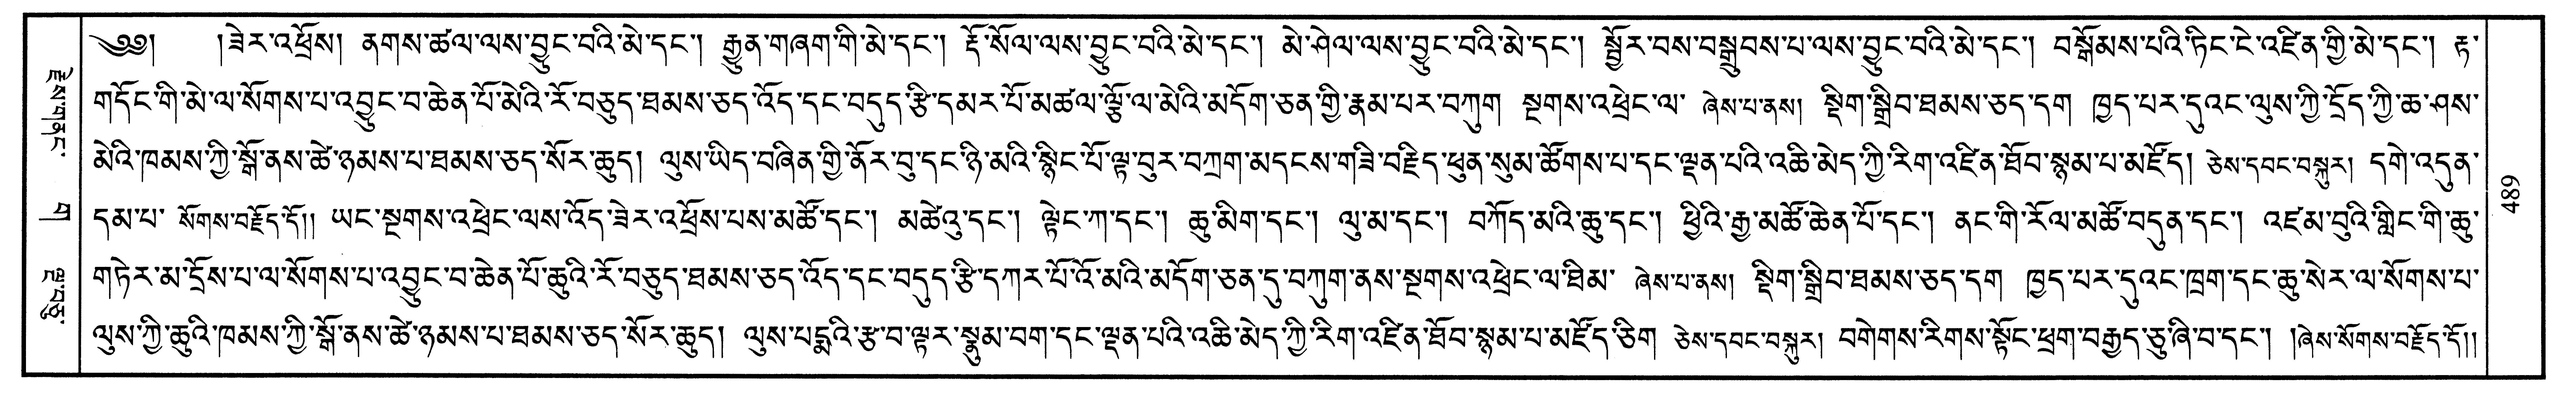༄༅། །ཟེར་འཕྲོས། ནགས་ཚལ་ལས་བྱུང་བའི་མེ་དང་། རྒྱུན་གཞག་གི་མེ་དང་། རྡོ་སོལ་ལས་བྱུང་བའི་མེ་དང་། མེ་ཤེལ་ལས་བྱུང་བའི་མེ་དང་། སྦྱོར་བས་བསྒྲུབས་པ་ལས་བྱུང་བའི་མེ་དང་། བསྒོམས་པའི་ཏིང་ངེ་འཛིན་གྱི་མེ་དང་། རྟ་
གདོང་གི་མེ་ལ་སོགས་པ་འབྱུང་བ་ཆེན་པོ་མེའི་རོ་བཅུད་ཐམས་ཅད་འོད་དང་བདུད་རྩི་དམར་པོ་མཚལ་ལྕོ་ལ་མེའི་མདོག་ཅན་གྱི་རྣམ་པར་བཀུག་སྔགས་འཕྲེང་ལ་ཞེས་པ་ནས། སྡིག་སྒྲིབ་ཐམས་ཅད་དག་ཁྱད་པར་དུའང་ལུས་ཀྱི་དྲོད་ཀྱི་ཆ་ཤས་
མེའི་ཁམས་ཀྱི་སྒོ་ནས་ཚེ་ཉམས་པ་ཐམས་ཅད་སོར་ཆུད། ལུས་ཡིད་བཞིན་གྱི་ནོར་བུ་དང་ཉི་མའི་སྙིང་པོ་ལྟ་བུར་བཀྲག་མདངས་གཟི་བརྗིད་ཕུན་སུམ་ཚོགས་པ་དང་ལྡན་པའི་འཆི་མེད་ཀྱི་རིག་འཛིན་ཐོབ་སྙམ་པ་མཛོད། ཅེས་དབང་བསྐུར། དགེ་འདུན་
དམ་པ་སོགས་བརྗོད་དོ།། ཡང་སྔགས་འཕྲེང་ལས་འོད་ཟེར་འཕྲོས་པས་མཚོ་དང་། མཚེའུ་དང་། ལྟེང་ཀ་དང་། ཆུ་མིག་དང་། ལུ་མ་དང་། བཀོད་མའི་ཆུ་དང་། ཕྱིའི་རྒྱ་མཚོ་ཆེན་པོ་དང་། ནང་གི་རོལ་མཚོ་བདུན་དང་། འཛམ་བུའི་གླིང་གི་ཆུ་
གཏེར་མ་དྲོས་པ་ལ་སོགས་པ་འབྱུང་བ་ཆེན་པོ་ཆུའི་རོ་བཅུད་ཐམས་ཅད་འོད་དང་བདུད་རྩི་དཀར་པོ་འོ་མའི་མདོག་ཅན་དུ་བཀུག་ནས་སྔགས་འཕྲེང་ལ་ཐིམ་ཞེས་པ་ནས། སྡིག་སྒྲིབ་ཐམས་ཅད་དག་ཁྱད་པར་དུའང་ཁྲག་དང་ཆུ་སེར་ལ་སོགས་པ་
ལུས་ཀྱི་ཆུའི་ཁམས་ཀྱི་སྒོ་ནས་ཚེ་ཉམས་པ་ཐམས་ཅད་སོར་ཆུད། ལུས་པདམའི་རྩ་བ་ལྟར་སྣུབ་བག་དང་ལྡན་པའི་འཆི་མེད་ཀྱི་རིག་འཛིན་ཐོབ་སྙམ་པ་མཛོད་ཅིག། ཅེས་དབང་བསྐུར། བགེགས་རིགས་སྟོང་ཕྲག་བརྒྱད་ཅུ་ཞི་བ་དང་། །ཞེས་སོགས་བརྗོད་དོ།།